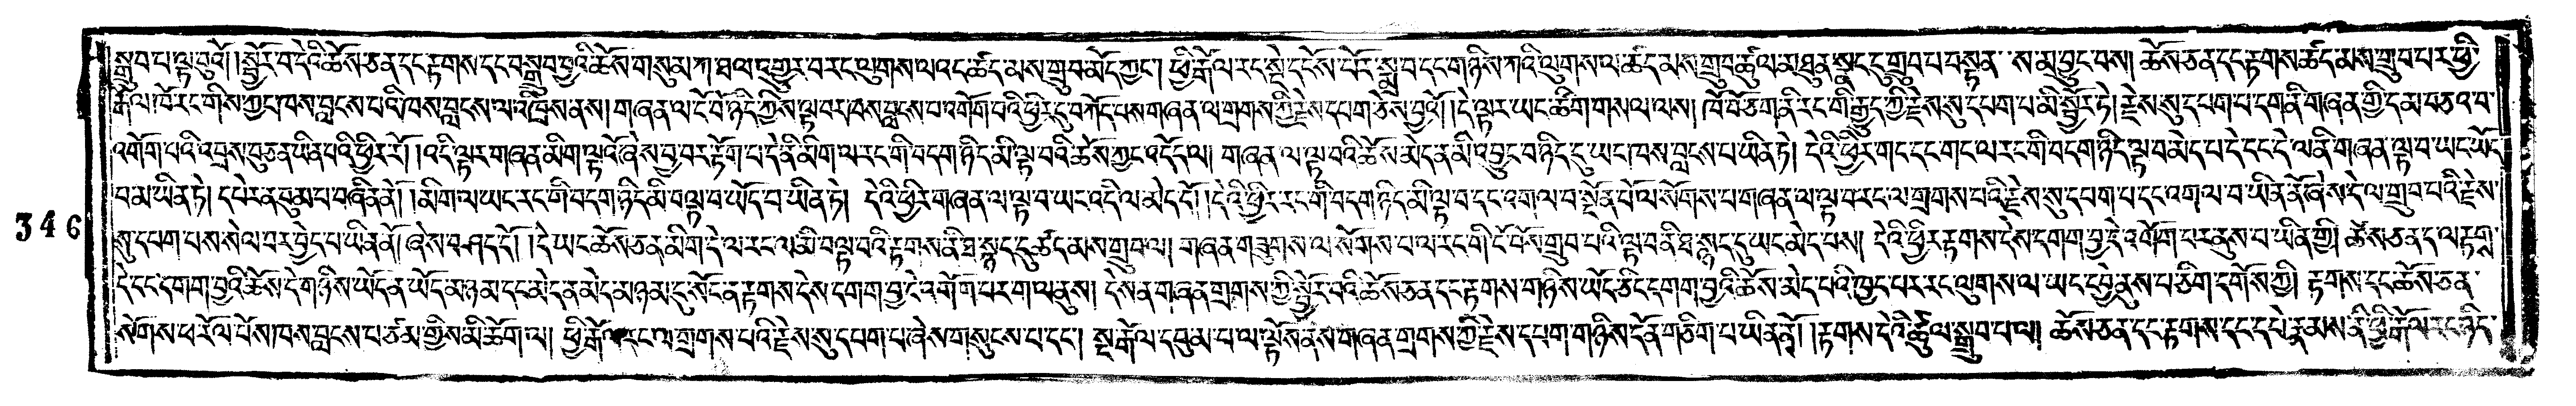སྒྲུབ་པ་ལྟ་བུའོ། །སྦྱོར་བ་དེའི་ཆོས་ཅན་དང་རྟགས་དང་བསྒྲུབ་བྱའི་ཆོས་གསུམ་ཀ་ཐལ་འགྱུར་བ་རང་ལུགས་ལའང་ཚད་མས་གྲུབ་མོད་ཀྱང་། ཕྱི་རྒོལ་རང་སྡེ་དངོས་པོར་སྨྲ་བ་དང་གཉིས་ཀའི་ལུགས་ལ་ཚད་མས་གྲུབ་ཚུལ་མཐུན་སྣང་དུ་གྲུབ་པ་བསྟན་ས་མ་བྱུང་བས། ཆོས་ཅན་དང་རྟགས་ཚད་མས་གྲུབ་པར་ཕྱི་
རྒོལ་ཁོ་རང་གིས་ཀྱང་ཁས་བླངས་པའི་ཁས་བླངས་ལ་འཁྲིས་ནས། གཞན་ལ་ངོ་བོ་ཉིད་ཀྱིས་ལྟ་བར་ཁས་བླངས་བ་འགེག་བའི་ཕྱིར་དུ་བཀོད་པས་གཞན་ལ་གྲགས་ཀྱི་རྗེས་དཔག་ཅེས་བྱའོ། །དེ་ལྟར་ཡང་ཚིག་གསལ་ལས། ཁོ་བོ་ཅག་ནི་རང་གི་རྒྱུད་ཀྱི་རྗེས་སུ་དཔག་པ་མི་སྦྱོར་ཏེ། རྗེས་སུ་དཔག་བ་དག་ནི་གཞན་གྱི་དམ་བཅའ་བ་
འགོག་པའི་འབྲས་བུ་ཅན་ཡིན་པའི་ཕྱིར་རོ། །འདི་ལྟར་གཞན་མིག་ལྟའོ་ཞེས་བྱ་བར་རྟོག་བདེ་ནི་མིག་ལ་རང་གི་བདག་ཉིད་མི་ལྟ་བའི་ཆོས་ཀྱང་འདོད་ལ། གཞན་ལ་ལྟ་བའི་ཆོས་མེད་ན་མི་འབྱུང་བ་ཉིད་དུ་ཡང་ཁས་བླངས་པ་ཡིན་ཏེ། དེའི་ཕྱིར་གང་དང་གང་ལ་རང་གི་བདག་ཉིད་ལྟ་བ་མེད་པ་དེ་དང་དེ་ལ་ནི་གཞན་ལྟ་བ་ཡང་ཡོད་
བ་མ་ཡིན་ཏེ། དཔེར་ན་བུམ་བ་བཞིན་ནོ། །མིག་ལ་ཡང་རང་གི་བདག་ཉིད་མི་བལྟ་བ་ཡོད་པ་ཡིན་ཏེ། དེའི་ཕྱིར་གཞན་ལ་ལྟ་བ་ཡང་འདི་ལ་མེད་དོ། །དེའི་ཕྱིར་རང་གི་བདག་ཉིད་མི་ལྟ་བ་དང་འགལ་བ་སྔོན་པོ་ལ་སོགས་པ་གཞན་ལ་ལྟ་བ་རང་ལ་གྲགས་བའི་རྗེས་སུ་དཔག་པ་དང་འགལ་བ་ཡིན་ནོ་ཞེས་དེ་ལ་གྲུབ་པའི་རྗེས་
སུ་དཔག་པས་སེལ་བར་བྱེད་པ་ཡིན་ནོ། ཞེས་བཤད་དོ། །ད་ཡང་ཆོས་ཅན་མིག་དེ་ལ་རང་ལ་མི་བལྟ་བའི་རྟགས་ནི་ཐ་སྙད་དུ་ཚད་མས་གྲུབ་ལ། གཞན་གཟུགས་ལ་སོགས་པ་ལ་རང་གི་ངོ་བོས་གྲུབ་པའི་ལྟ་བ་ནི་ཐ་སྙད་དུ་ཡང་མེད་པས། དེའི་ཕྱིར་རྟགས་དེས་དགག་བྱ་དེ་འགོག་པར་ནས་བ་ཡིན་གྱི། ཆོས་ཅན་དེ་ལ་རྟགས་
དེ་དང་དགག་བྱའི་ཆོས་དེ་གཉིས་ཡོད་ན་ཡོད་མཉམ་དང་མེད་ན་མེད་མཉམ་དུ་སོང་ན་རྟགས་དེས་དགག་བྱ་དེ་འགོག་པར་ག་ལ་ནུས། དེས་ན་གཞན་གྲགས་ཀྱི་སྦྱོར་བའི་ཆོས་ཅན་དང་རྟགས་གཉིས་ཡོད་ཅིང་དགག་བྱའི་ཆོས་མེད་པའི་ཁྱད་པར་རང་ལུགས་ལ་ཡང་དབྱེ་ནུས་པ་ཅིག་དགོས་ཀྱི། རྟགས་དང་ཆོས་ཅན་
སོགས་ཕ་རོལ་པོས་ཁས་བླངས་པ་ཙམ་གྱིས་མི་ཆོག་ལ། ཕྱི་རྒོལ་རང་ལ་ཀྲགས་པའི་རྗེས་སུ་དཔག་པ་ཞེས་གསུངས་པ་དང་། སྔ་རྒོལ་དབུ་མ་བ་ལ་ལྟོས་ནས་གཞན་གྲགས་ཀྱི་རྗེས་དཔག་གཉིས་དོན་གཅིག་བ་ཡིན་ནོ། །རྟགས་དེའི་ཚུལ་སྒྲུབ་པ་ལ། ཆོས་ཅན་དང་རྟགས་དང་དཔེ་རྣམས་ནི་ཕྱི་རྒོལ་རང་ཉིད་